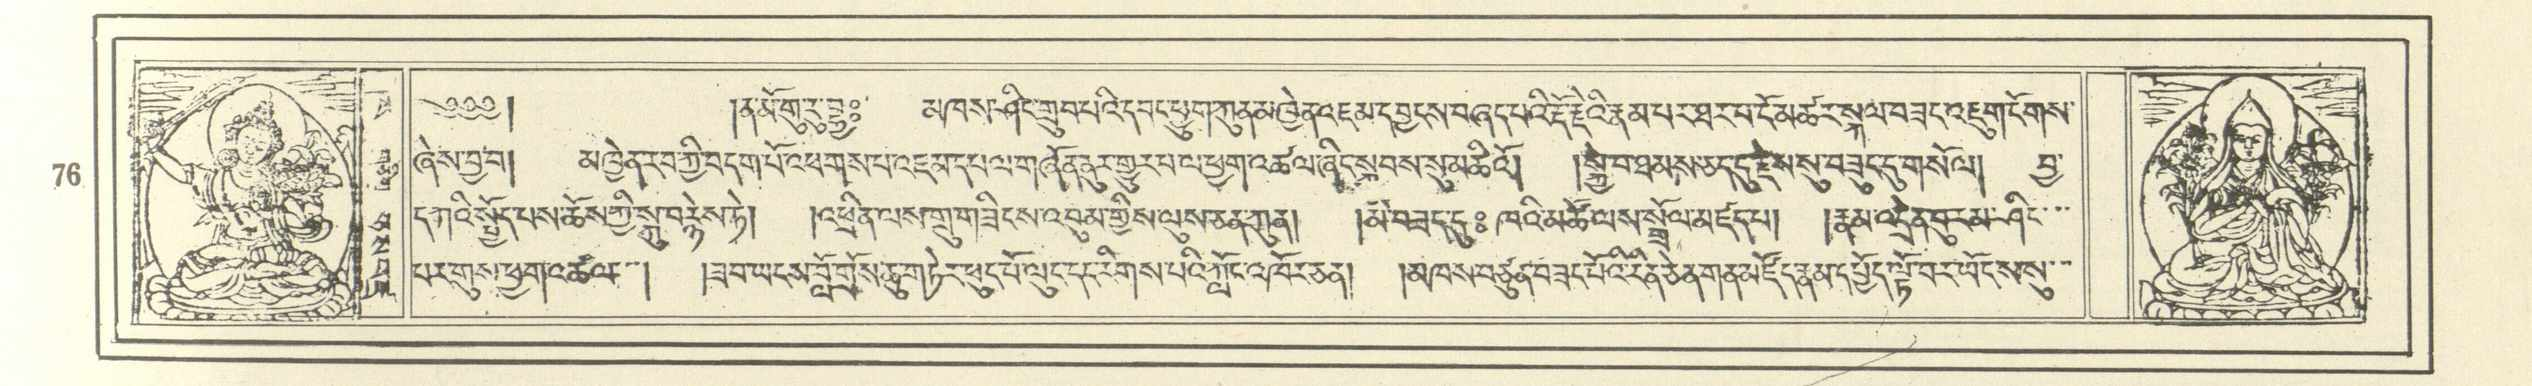༄༅༅། །ན་མོ་གུ་རུ་བྷྱཿ མཁས་ཤིང་གྲུབ་པའི་དབང་ཕྱུག་ཀུན་མཁྱེན་འཇམ་དབྱངས་བཞད་པའི་རྡོ་རྗེའི་རྣམ་པར་ཐར་པ་ངོ་མཚར་སྐལ་བཟང་འཇུག་ངོགས་
ཞེས་བྱ་བ། མཁྱེན་རབ་ཀྱི་བདག་པོ་འཕགས་པ་འཇམ་དཔལ་གཞོན་ནུར་གྱུར་པ་ལ་ཕྱག་འཚལ་ཞིང་སྐྱབས་སུ་མཆིའོ། །སྐྱེ་བ་ཐམས་ཅད་དུ་རྗེས་སུ་བཟུང་དུ་གསོལ། བྱ་
དཀའི་སྤྱོད་པས་ཆོས་ཀྱི་སྐུ་བརྙེས་ཏེ། །འཕྲིན་ལས་གྲུ་གཟིངས་འབུམ་གྱིས་ལུས་ཅན་ཀུན། །མི་བཟད་དུཿ ཁའི་མཚོ་ལས་སྒྲོལ་མཛད་པ། །རྣམ་འདྲེན་བུར་མ་ཤིང་
པར་གུས་ཕྱག་འཚལ། །ཟབ་ཡངས་བློ་གྲོས་ཆུ་གཏེར་ཕུང་པོ་ལུང་དང་རིགས་པའི་ཀློང་འཁོར་ཅན། །མཁས་བཙུན་བཟང་པོའི་རིན་ཆེན་གན་མཛོད་རྣམ་དཔྱོད་ལྟོ་བར་ཡོངས་སུ་